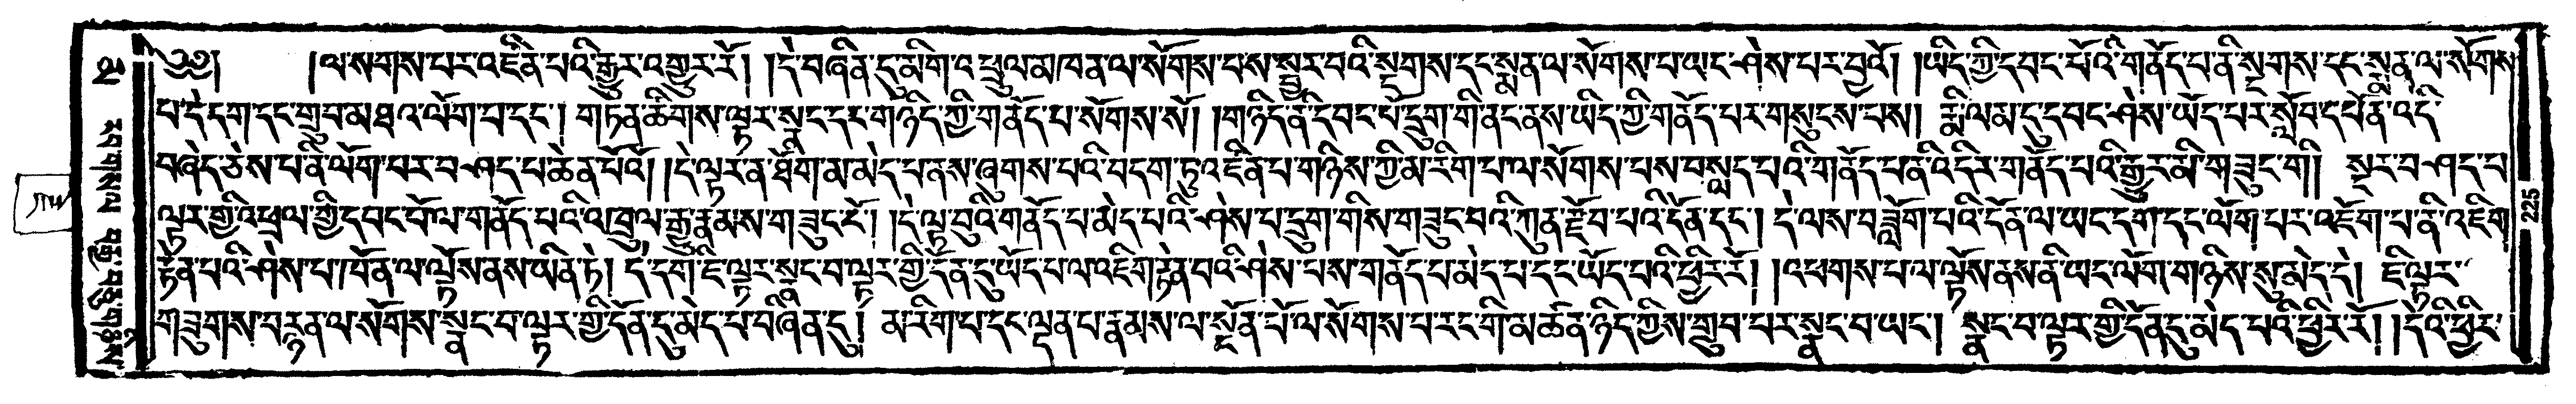༄༅། །ལ་སོགས་པར་འཛིན་པའི་རྒྱུར་འགྱུར་རོ། །དེ་བཞིན་དུ་མིག་འཕྲུལ་མཁན་ལ་སོགས་པས་སྦྱར་བའི་སྔགས་དང་སྨན་ལ་སོགས་པ་ཡང་ཤེས་པར་བྱའོ། །ཡིད་ཀྱི་དབང་པོའི་གནོད་པ་ནི་སྔགས་དང་སྨན་ལ་སོགས་
པ་དེ་དག་དང་གྲུབ་མཐའ་ལོག་པ་དང་། གཏན་ཚིགས་ལྟར་སྣང་དང་གཉིད་ཀྱི་གནོད་པ་སོགས་སོ། །གཉིད་ནི་དབང་པོ་དྲུག་གི་ནང་ནས་ཡིད་ཀྱི་གནོད་པར་གསུངས་པས། རྨི་ལམ་དུ་དབང་ཤེས་ཡོད་པར་སློབ་དཔོན་འདི་
བཞེད་ཅེས་པ་ནི་ལོག་པར་བཤད་པ་ཆེན་པོའོ། །དེ་ལྟར་ན་ཐོག་མ་མེད་པ་ནས་ཞུགས་པའི་བདག་ཏུ་འཛིན་པ་གཉིས་ཀྱི་མ་རིག་པ་ལ་སོགས་པས་བསླད་པའི་གནོད་པ་ནི་འདིར་གནོད་པའི་རྒྱུར་མི་གཟུང་གི། སྔར་བཤད་པ་
ལྟར་གྱི་འཕྲལ་གྱི་དབང་པོ་ལ་གནོད་པའི་འཁྲུལ་རྒྱུ་རྣམས་གཟུང་ངོ། །དེ་ལྟ་བུའི་གནོད་པ་མེད་པའི་ཤེས་པ་དྲུག་གིས་གཟུང་པའི་ཀུན་རྫོབ་པའི་དོན་དང་། དེ་ལས་བཟློག་པའི་དོན་ལ་ཡང་དག་དང་ལོག་པར་འཇོག་པ་ནི་འཇིག་
རྟེན་པའི་ཤེས་པ་ཁོ་ན་ལ་ལྟོས་ནས་ཡིན་ཏེ། དེ་དག་ཇི་ལྟར་སྣང་བ་ལྟར་གྱི་དོན་དུ་ཡོད་པ་ལ་འཇིག་རྟེན་པའི་ཤེས་པས་གནོད་པ་མེད་པ་དང་ཡོད་པའི་ཕྱིར་རོ། །འཕགས་པ་ལ་ལྟོས་ནས་ནི་ཡང་ལོག་གཉིས་སུ་མེད་དེ། ཇི་ལྟར་
གཟུགས་བརྙན་ལ་སོགས་སྣང་བ་ལྟར་གྱི་དོན་དུ་མེད་པ་བཞིན་དུ། མ་རིག་པ་དང་ལྡན་པ་རྣམས་ལ་སྔོན་པོ་ལ་སོགས་པ་རང་གི་མཚན་ཉིད་ཀྱིས་གྲུབ་པར་སྣང་བ་ཡང་། སྣང་བ་ལྟར་གྱི་དོན་དུ་མེད་པའི་ཕྱིར་རོ། །དེའི་ཕྱིར་